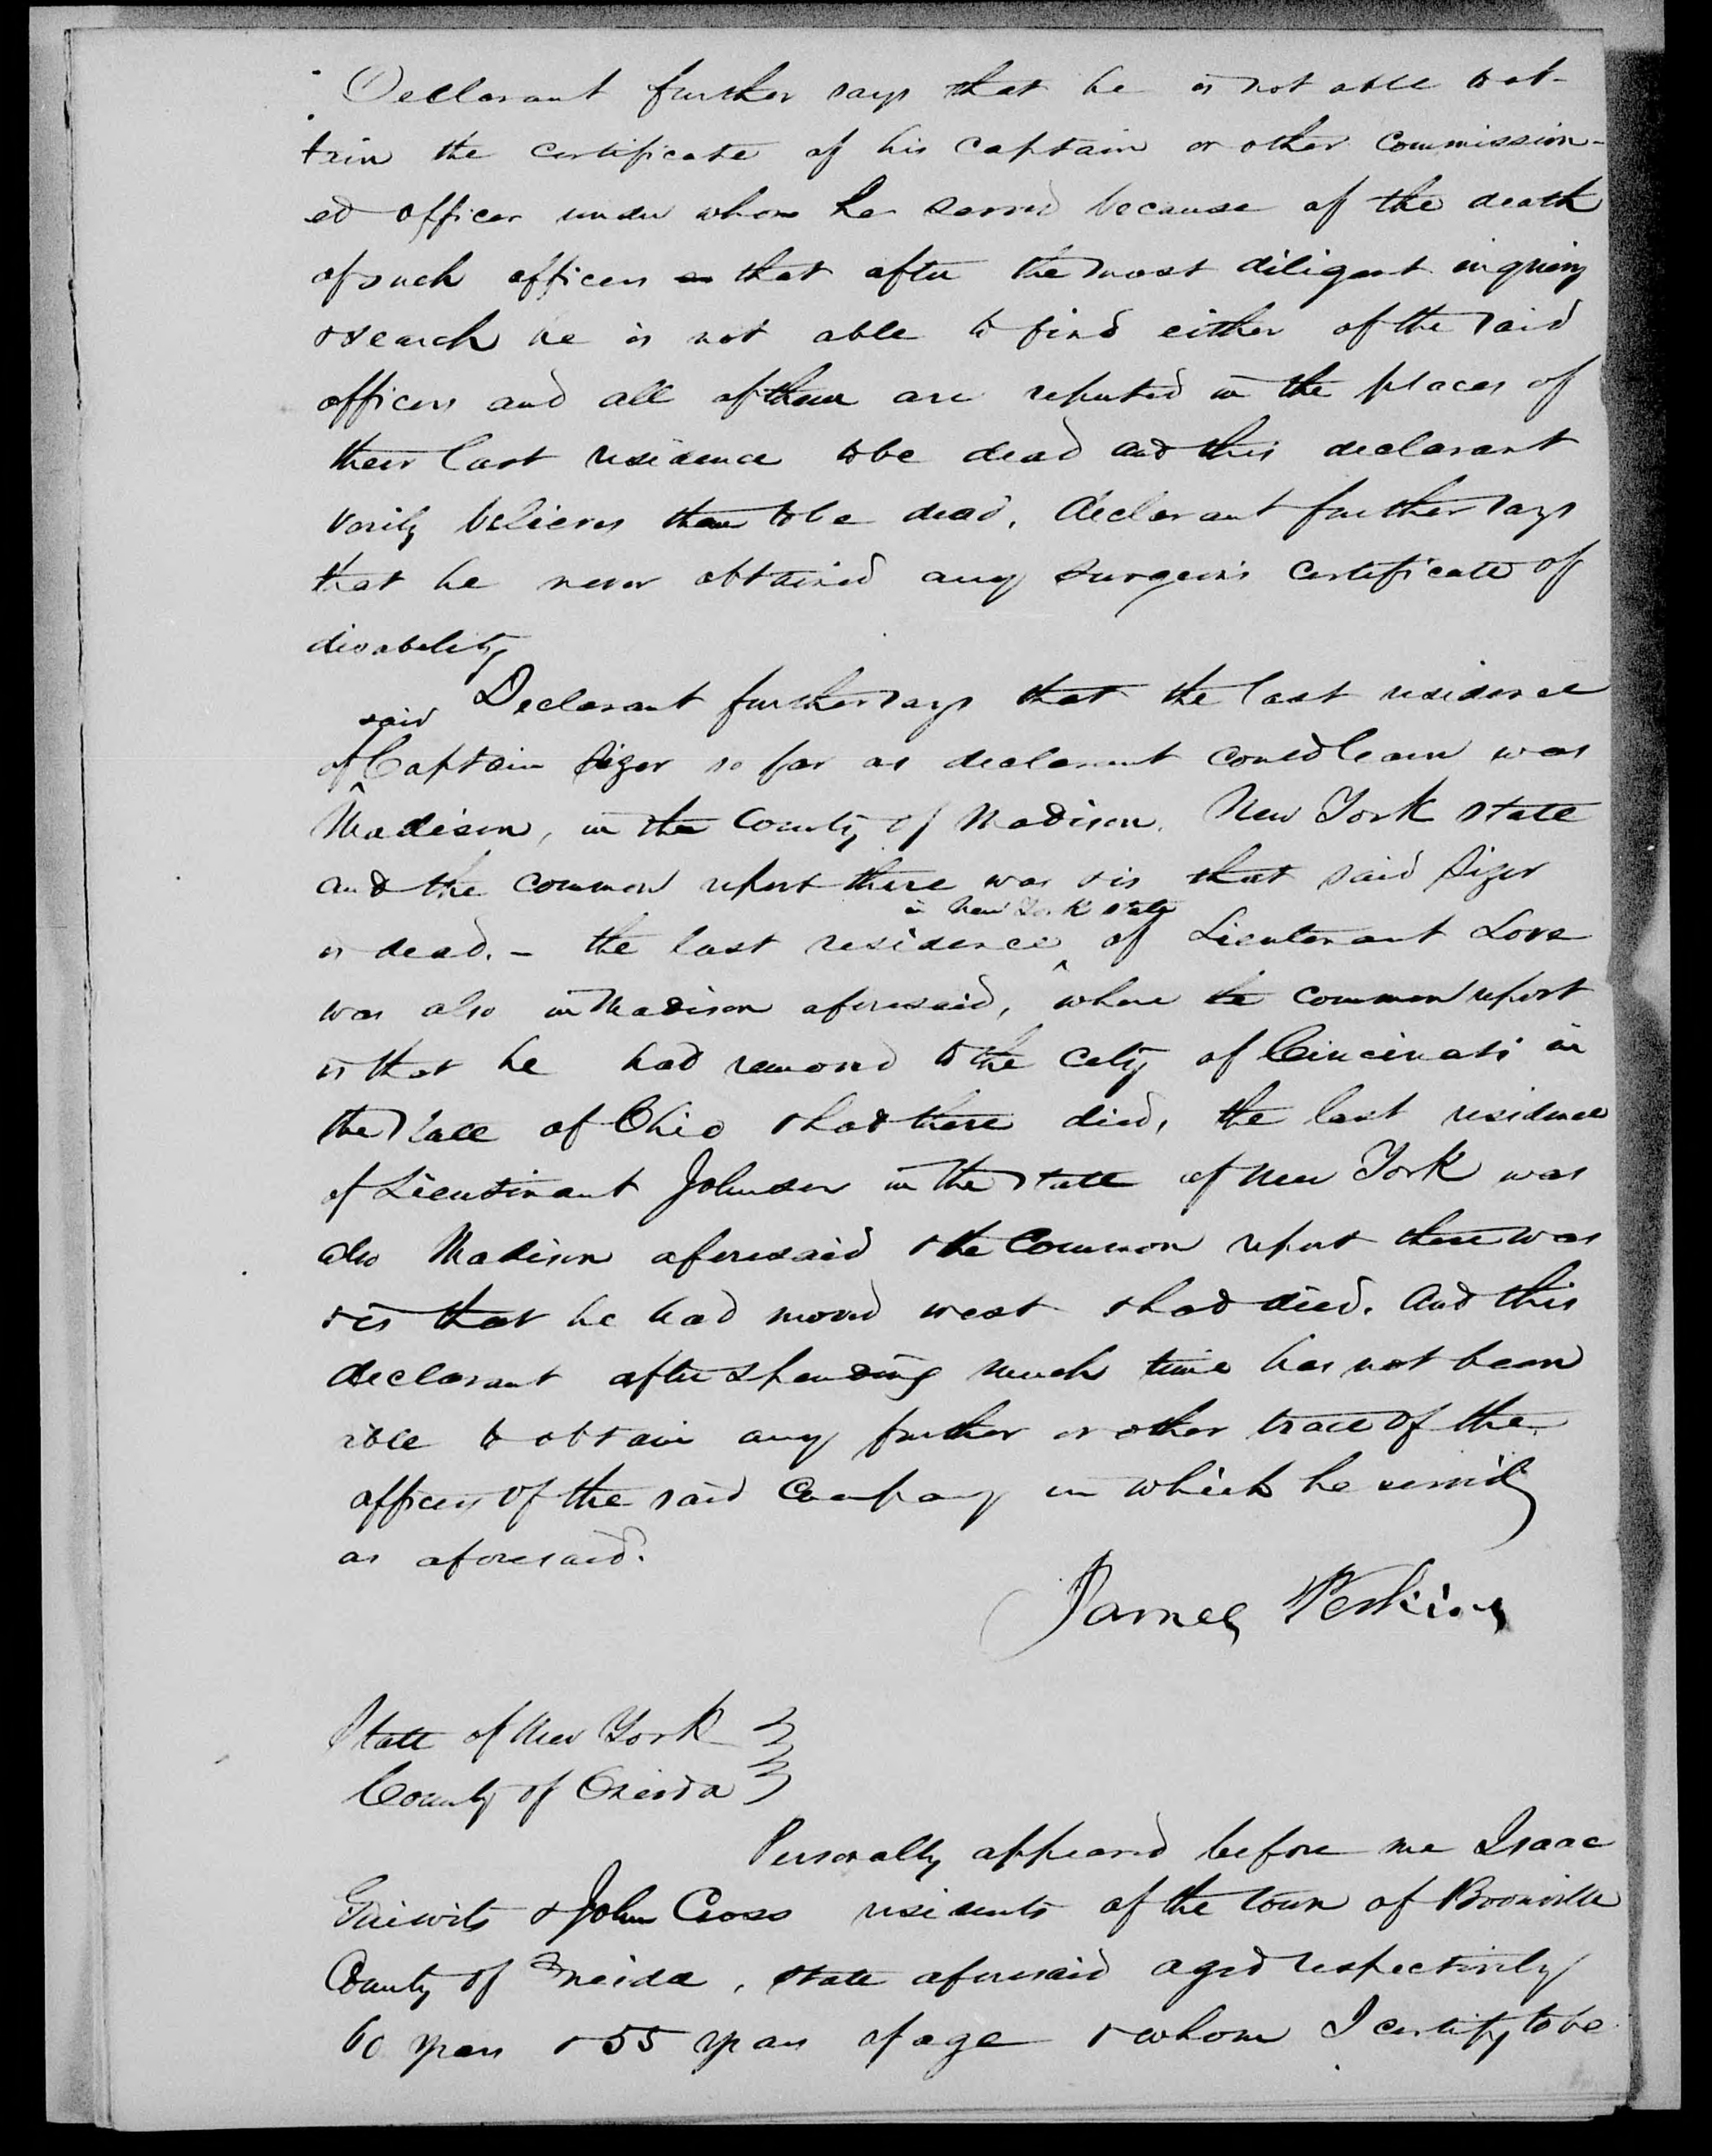Declarant further says that he is not able to obtain the certificate of his captain or other commissioned officer under whom he served because of the death of such officers that after the most diligent inquiry & search he is not able to find either of the said officers and all of them are reputed in the places of their last residence to be dead and this declarant verily believes them to be dead, declarant further says that he never obtained any Surgeon’s certificate of disability 
Declarant further says that the last residence of said Captain Sizer so far as declarant could learn was Madison, in the County of Madison, New York State and the common report there was & is that said Sizer is dead.-  the last residence in New York State of Lieutenant Love was also in Madison aforesaid, where the common report is that he had removed to the City of Cincinati in the state of Ohio & had there died, the last residence of Lieutenant Johnson in the State of New York was also Madison aforesaid & the common report there was that he had moved west & had died. And this declarant after spending much time has not been able to obtain any further or other trace of the officers of the said Company in which he served as aforesaid.
[signed] James Perkins

State of New York 
County of Oneida }
Personally appeared before me Isaac Guiwits & John Cross residents of the town of Boonville County of Oneida, state aforesaid aged respectively 60 & 55 years of age & whom I certify to be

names: James Perkins; John Cross; [BLANK] Johnson; Isaac Guiwits; [BLANK] Sizer; [BLANK] Love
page: 7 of 44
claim: rejected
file: R. 17,033, for Joseph Perkins, New York